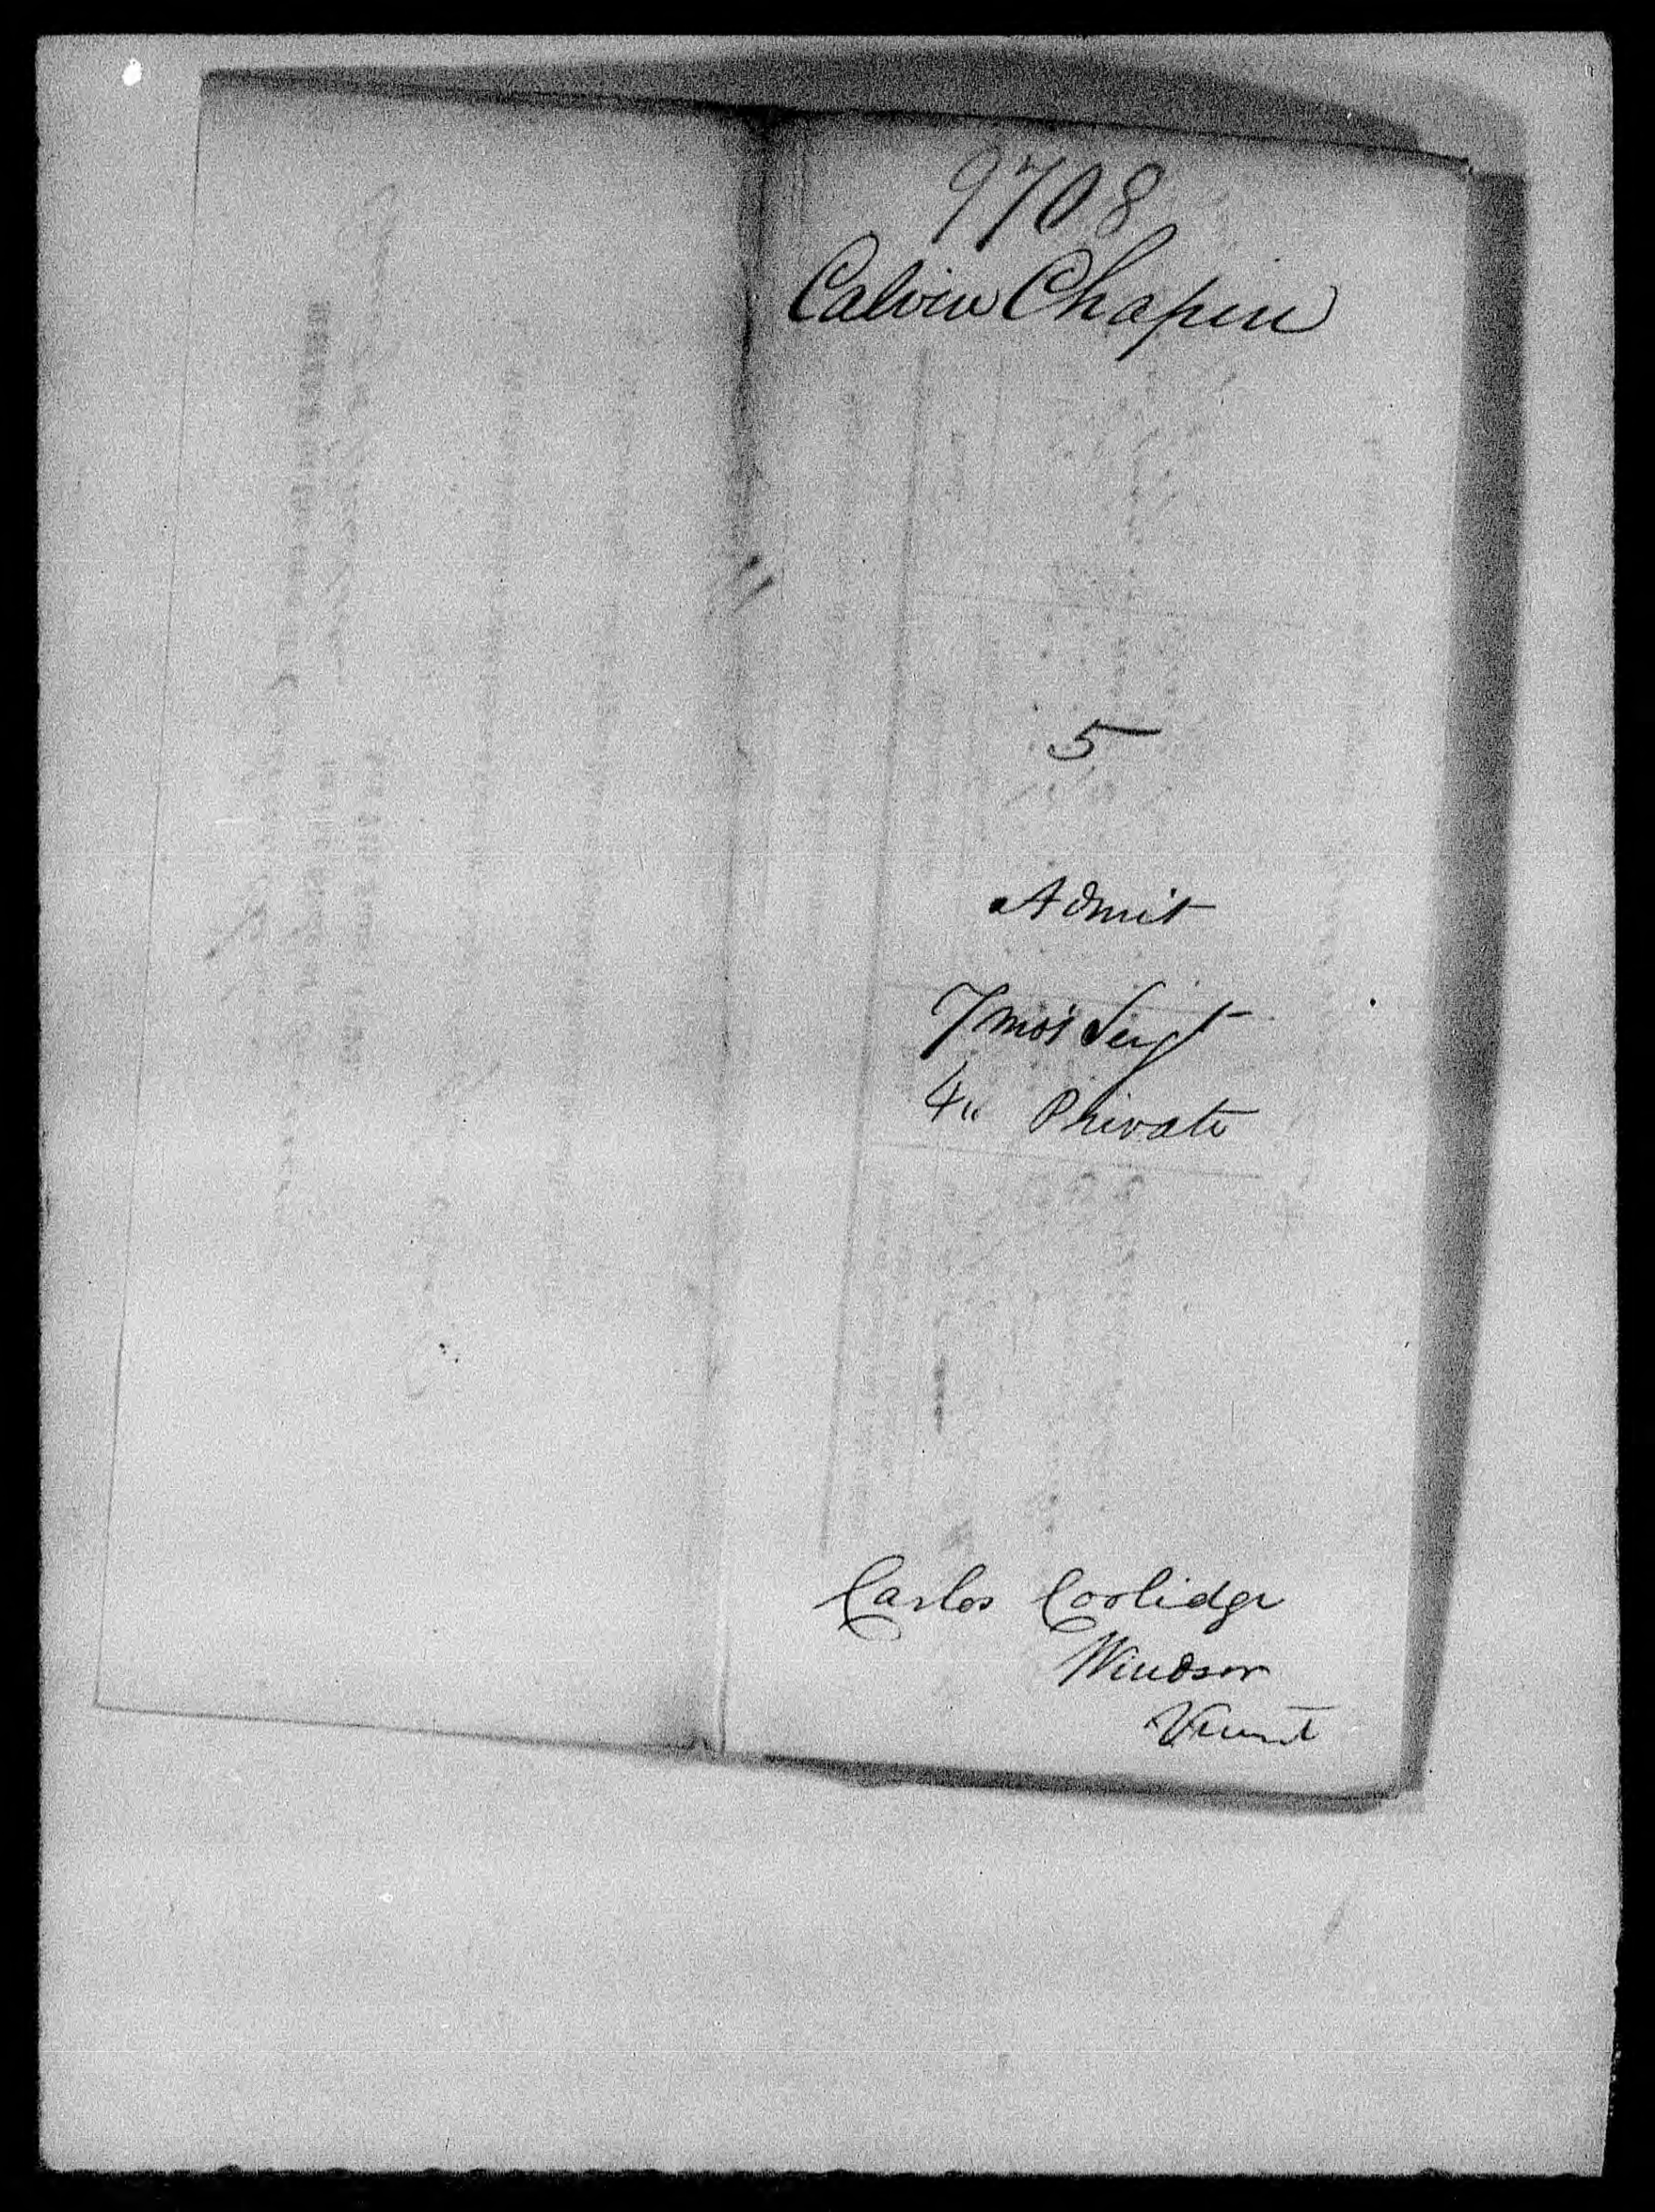9708
Calvin Chapin

5

Admit
7 mos Sept
4" Private

Carlos Coolidge
Windsor 
Vermont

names: Calvin Chapin, Carlos Coolidge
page: 16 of 35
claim: widow's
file: W. 20,864, Calvin Chapin, Mass. Vt.